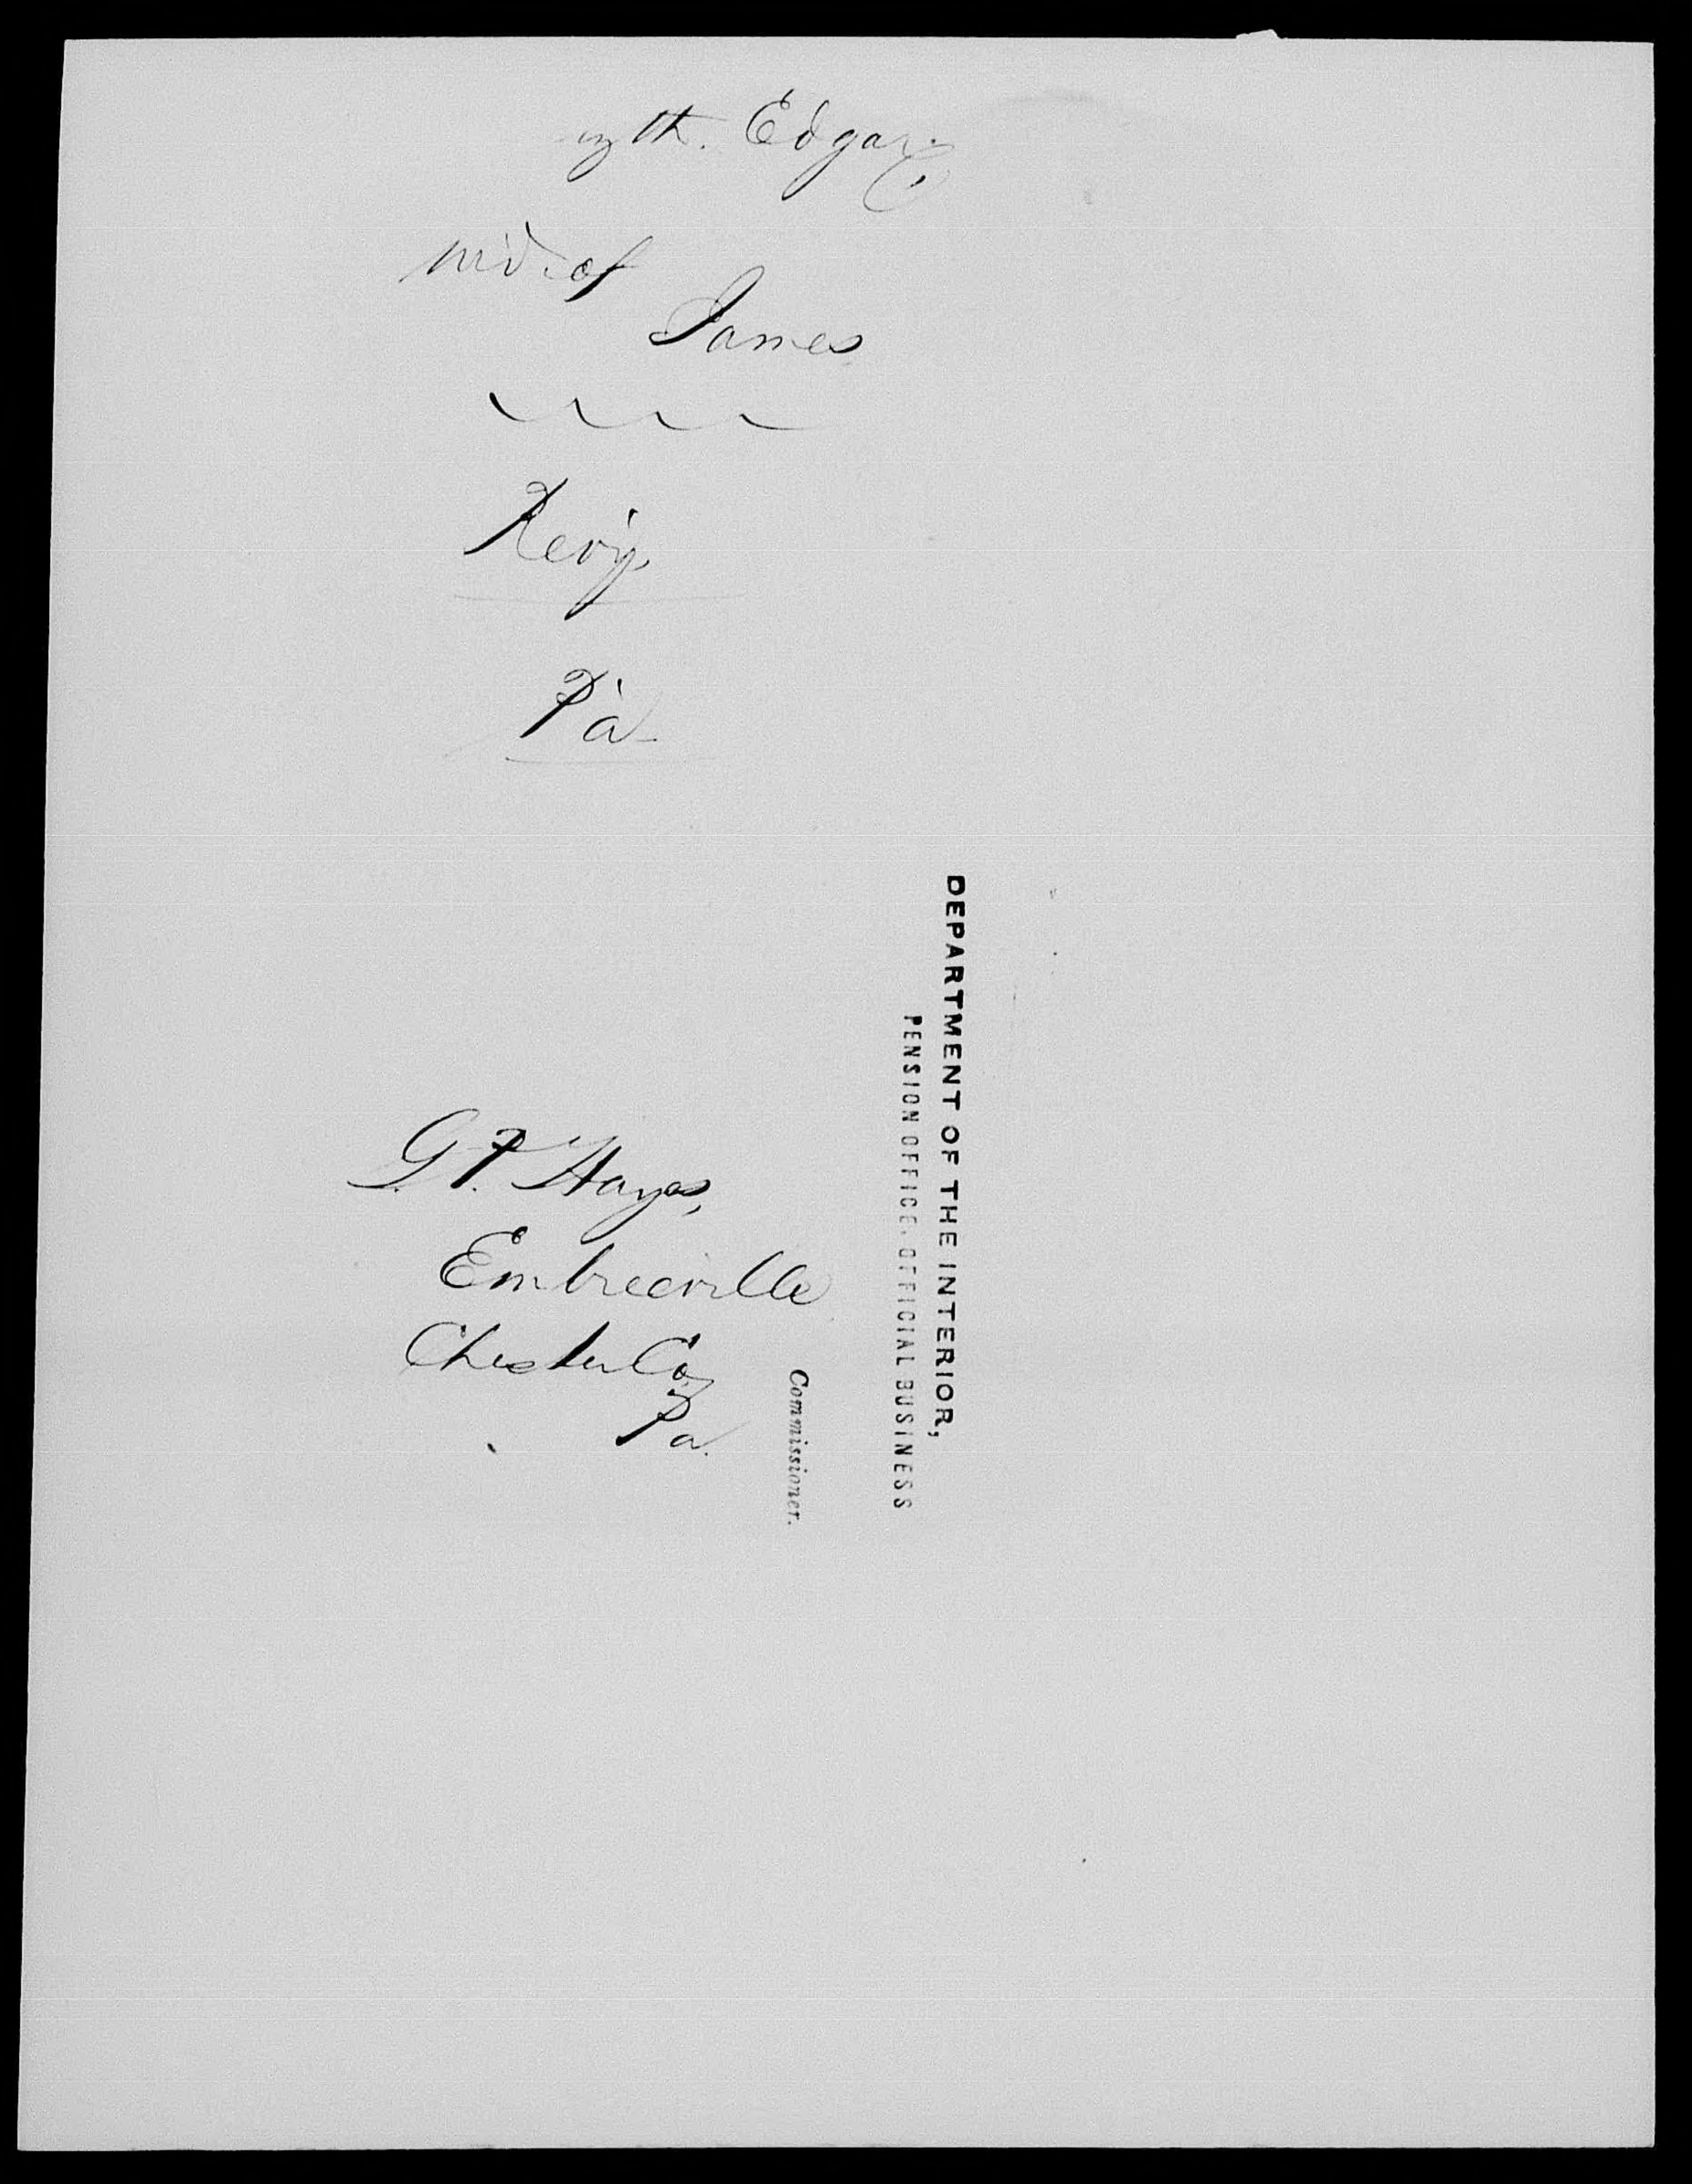lizth, Edgar 
widow of 
of
James
Revy
Pa
-
G P Hayes
Embreeville
Chester Co Pa.
Commissioner.
DEPARTMENT OF THE INTERIOR.
PENSION OFFICE, OFFICIAL BUSINESS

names: G P Hayes, Elizabeth Edgar, James Edgar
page: 39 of 74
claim: widow's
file: W. 9422, James Edgar, Penn.